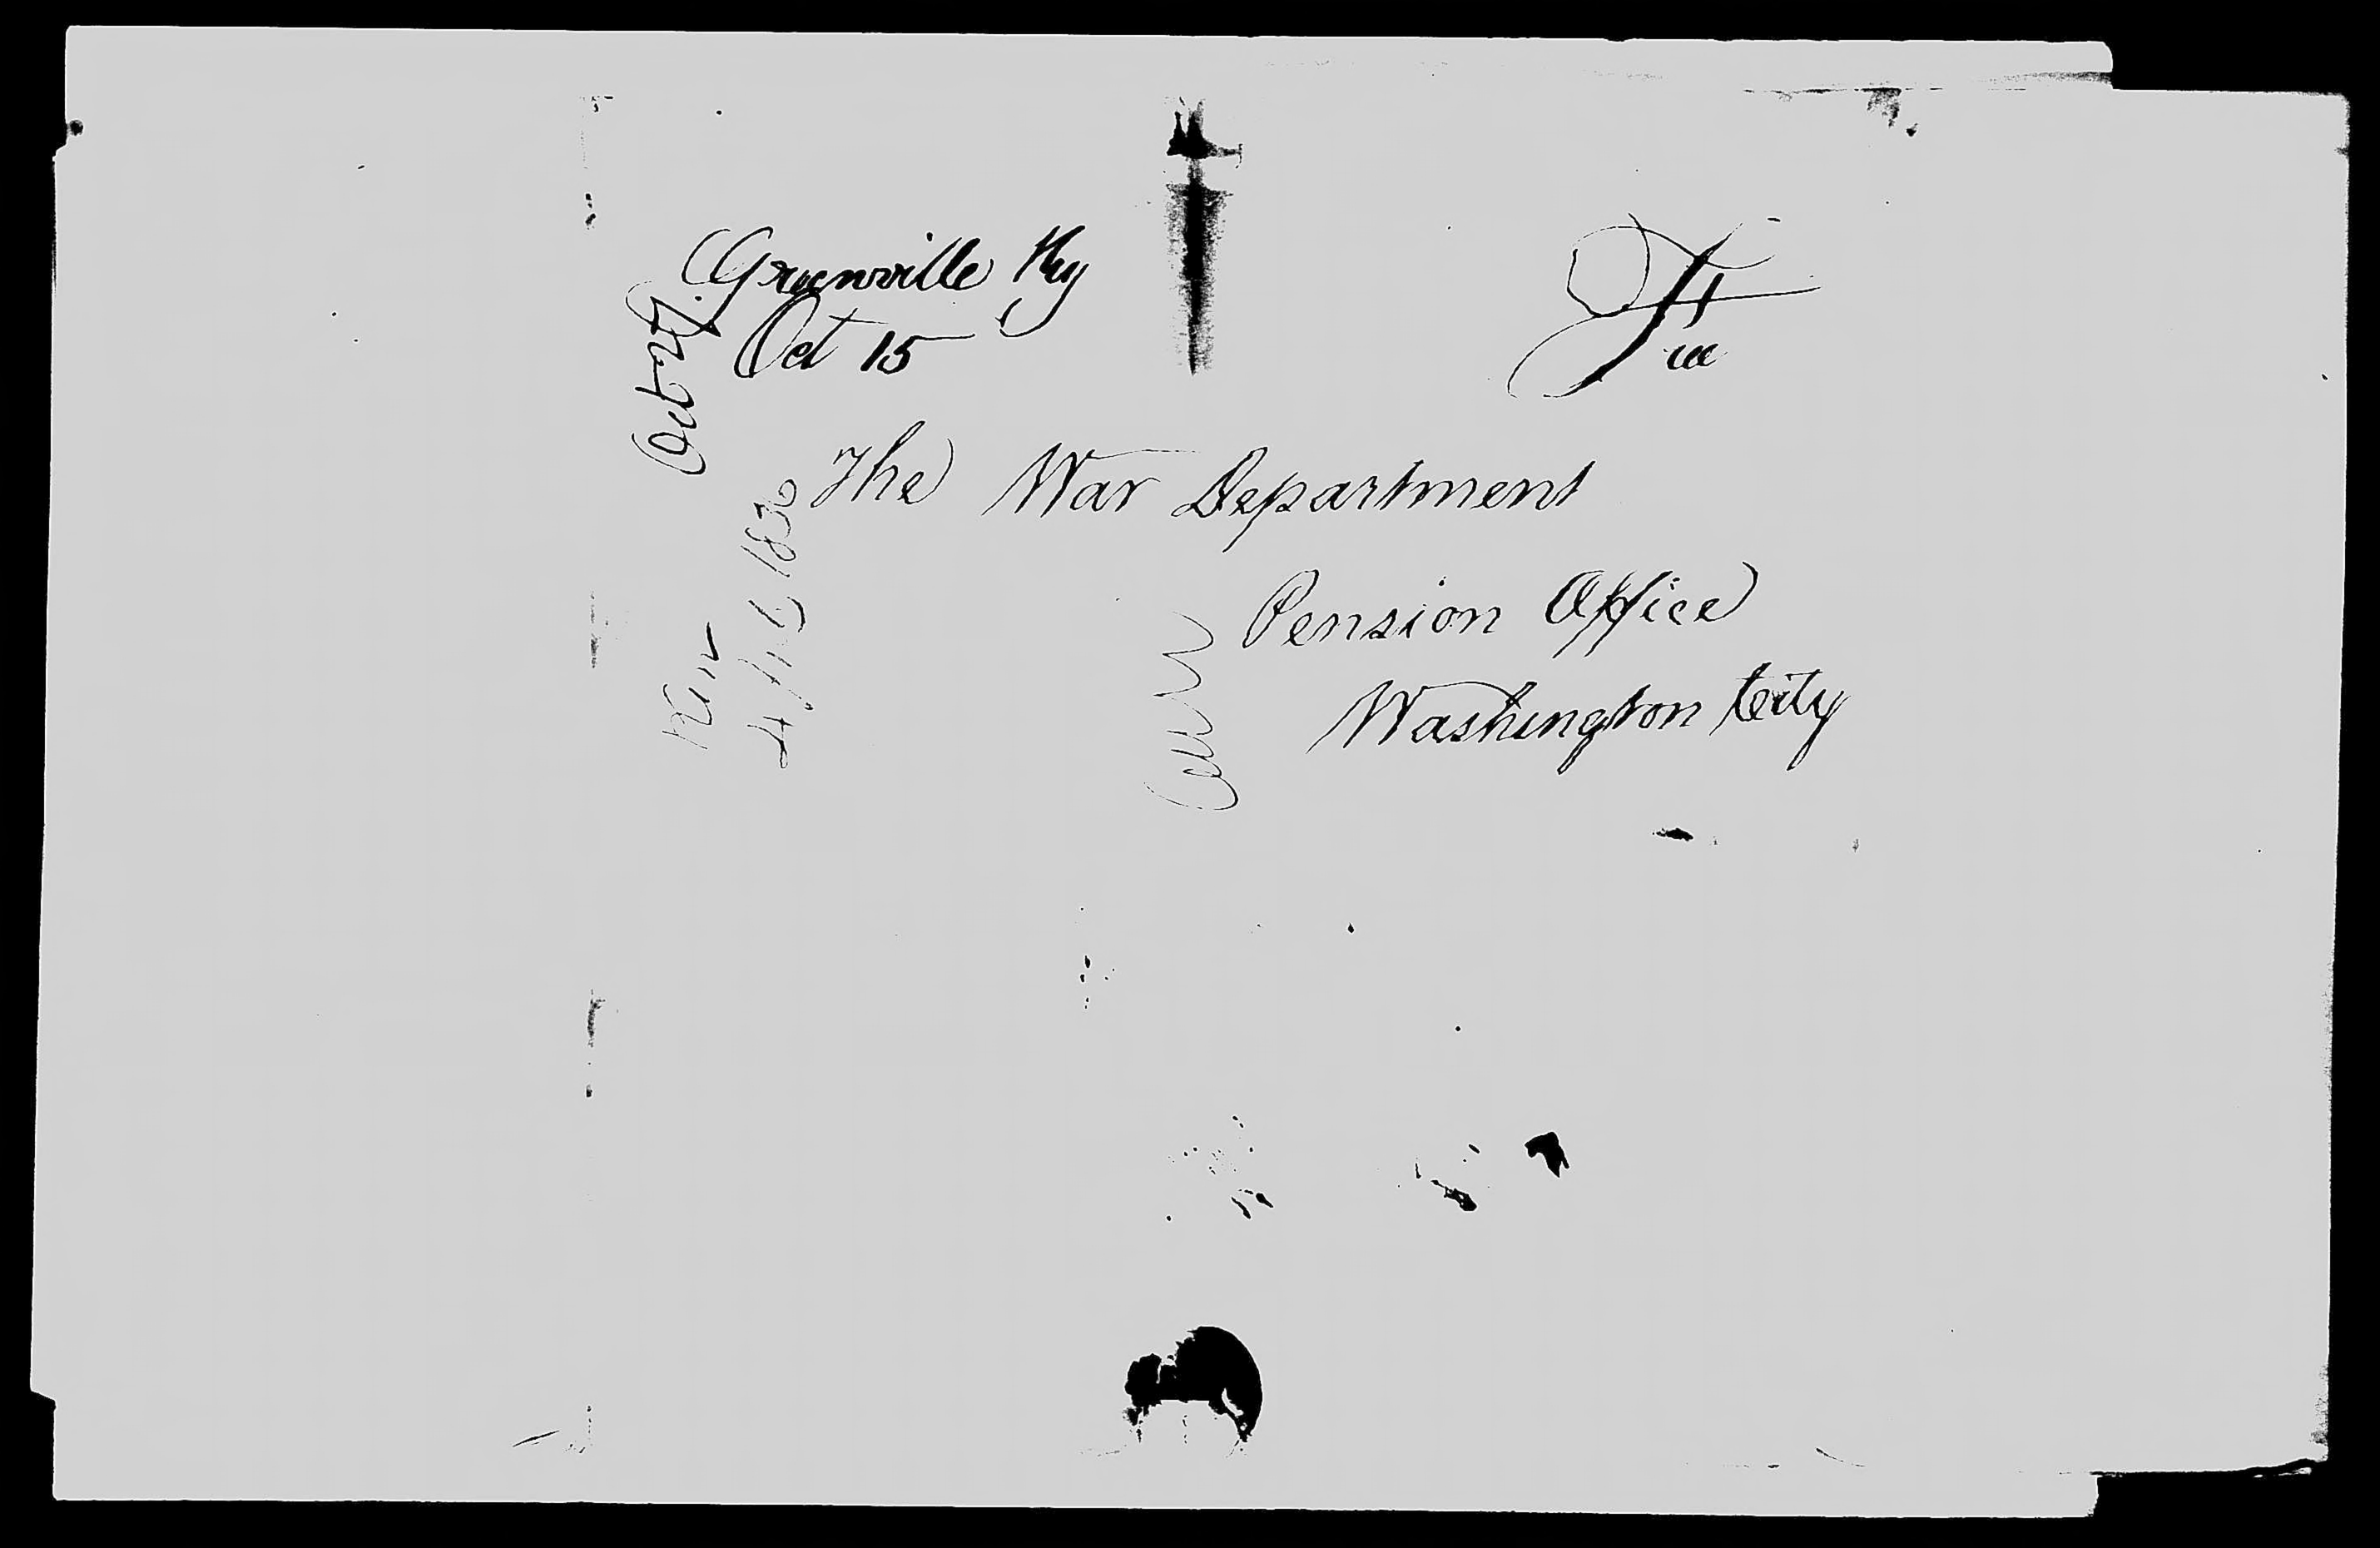Greenville Ky [Kentucky]
Oct 15 

[Illegible]

The War Department 
{Pension Office 
{Washington City

[written sideways] Oct 27 Ken 4 July 1836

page: 26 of 27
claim: rejected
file: R. 5006, Richard Hill, N.C.